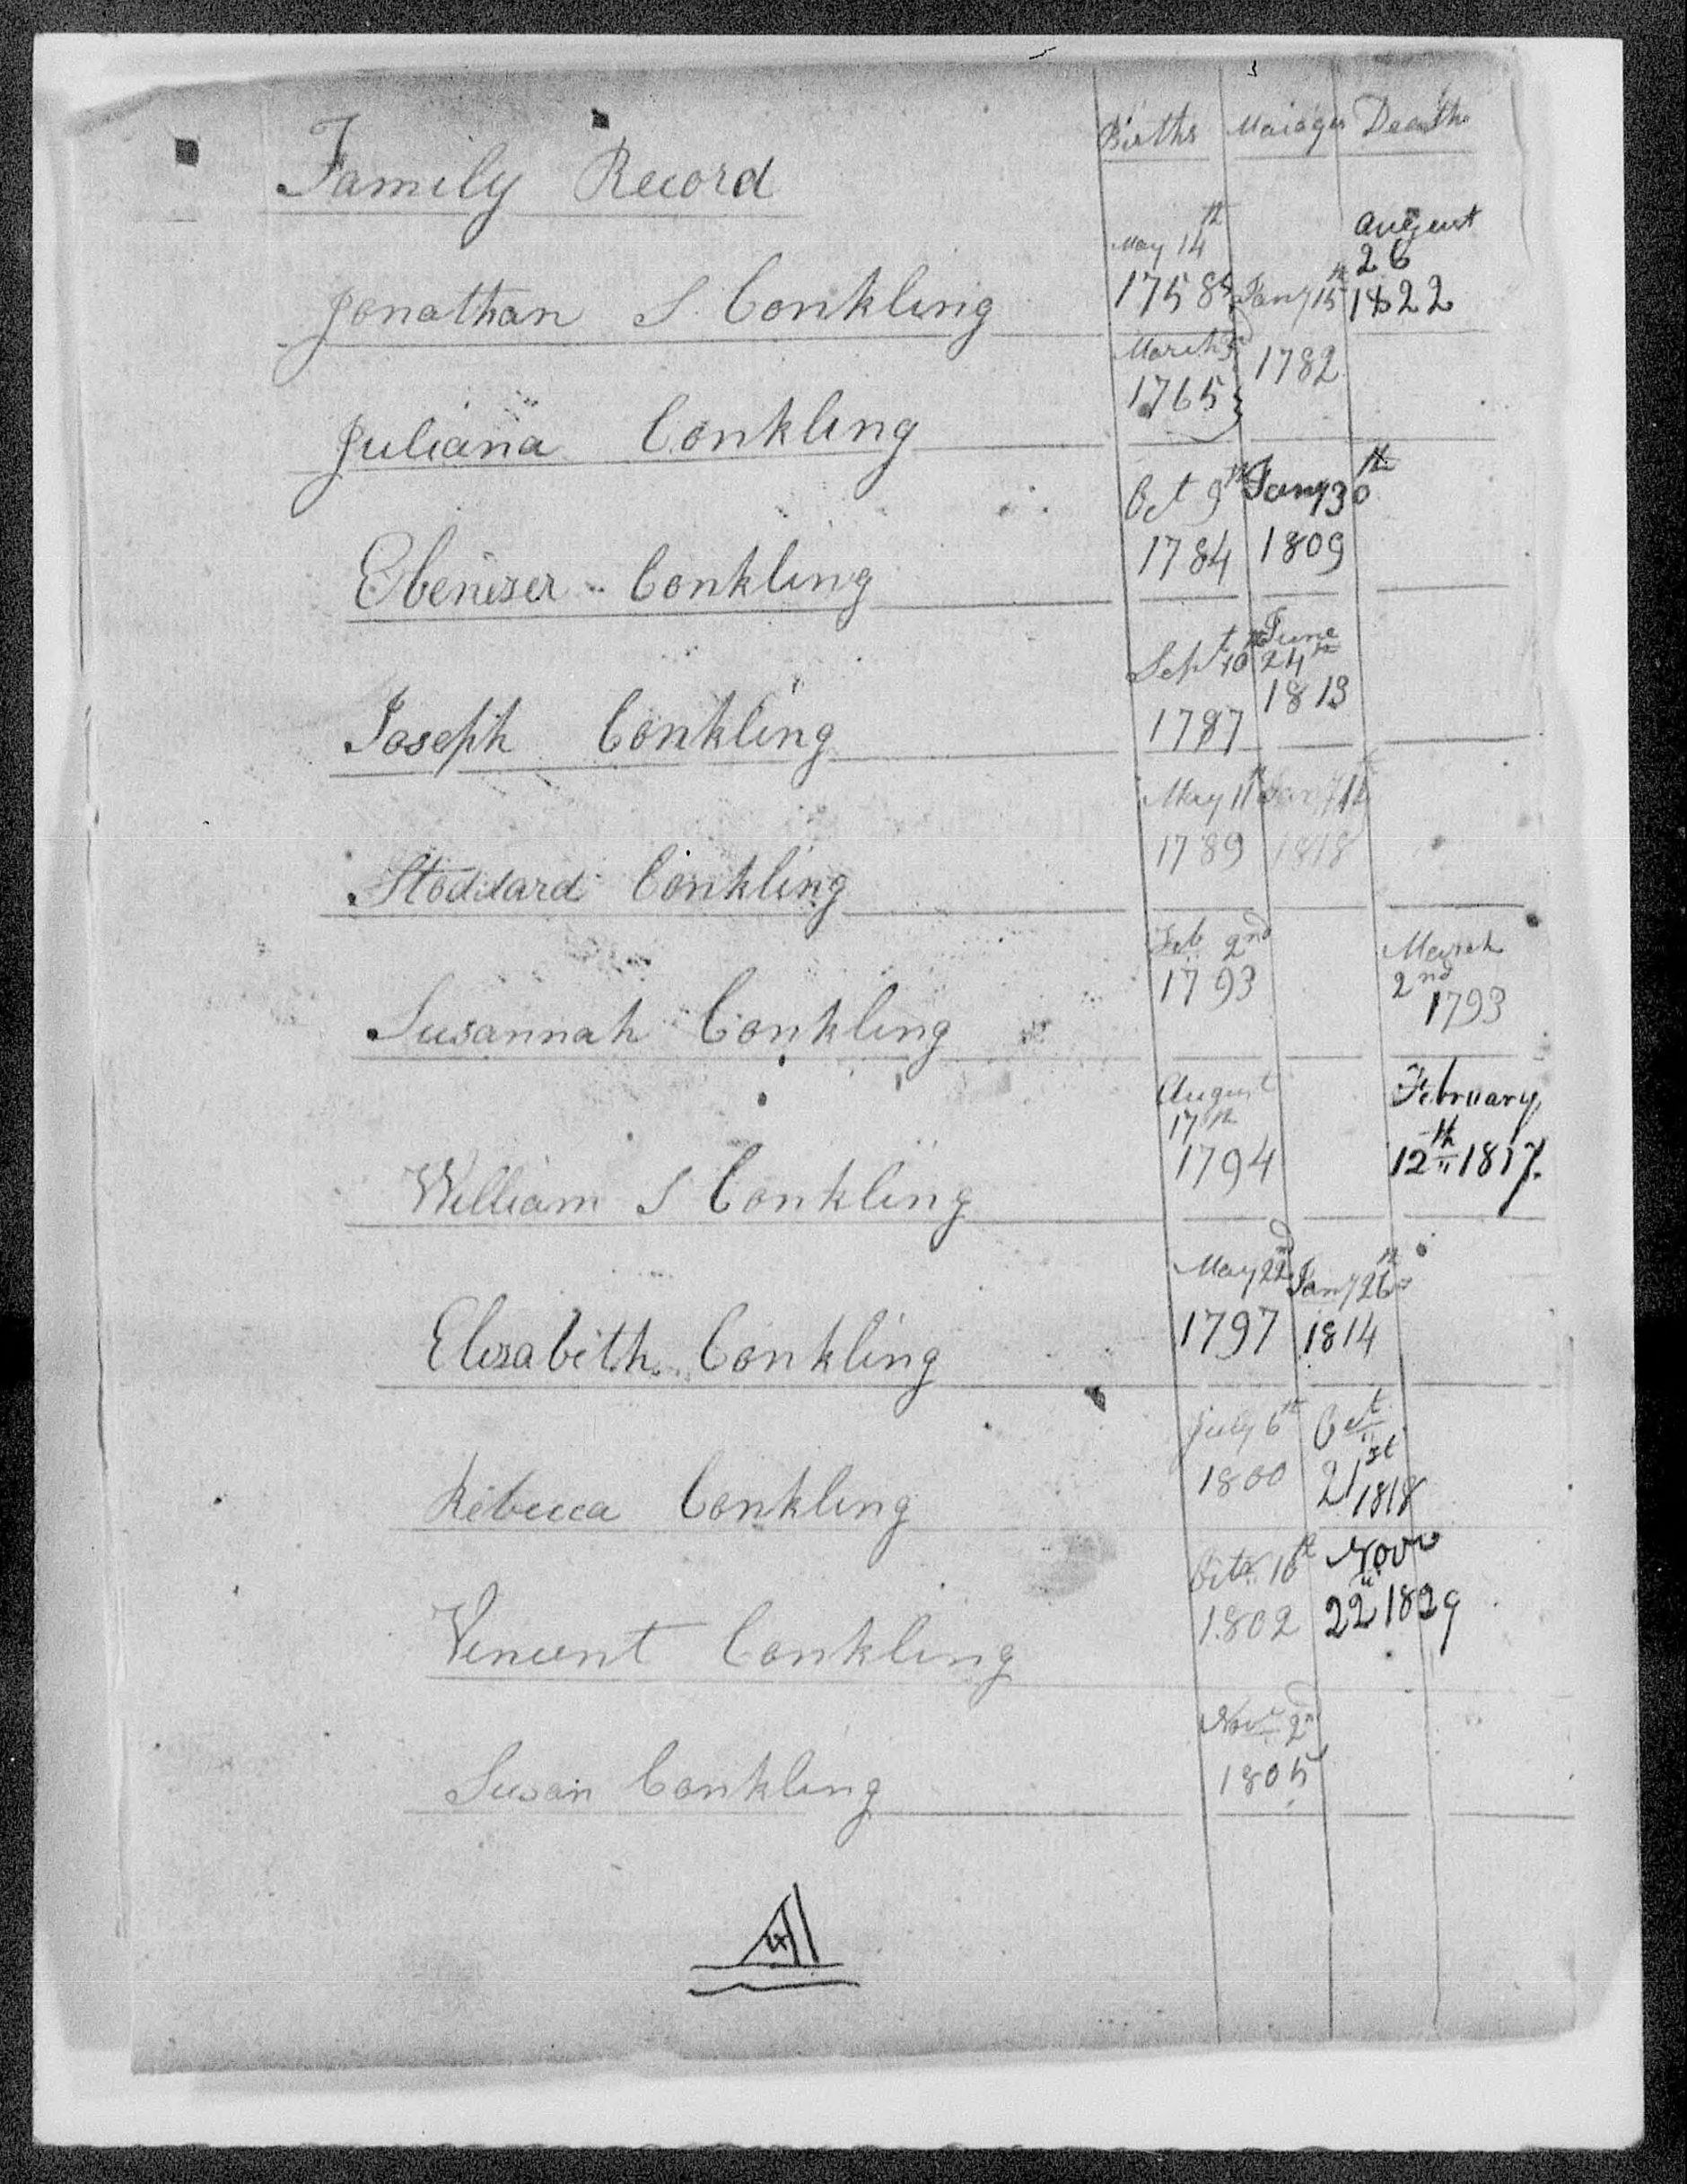Family Record / Births    / Mariages  /  Death
jonathan S Conkling  May 14th 1758 Jany 15th August 26 1822
Juliana Conkling /March 1765 /1782/
Ebenezer Conkling /Oct 9 1784 /  Jany 30 1809
Joseph Conkling / Sept 10 1787  / June 24 1813
Stoddard Conkling / May 11 1789/  Jan 14 1818
Susannah Conkling / Feb 2 1793/  / March 2 1793
William S Conkling  / August 17 1794/   /  February 12 1817
Elisabeth Conkling / May 22 1797/ Jan 26 1814/ 
Rebecca Conkling / July 6 1800/ Oct 21 1818/
Vincent Conkling / Oct 16 1802/ Nov 22 1829/  
Susan Conkling  Nov 2 1805/   /   /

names: William S Conkling, Vincent Conkling, Susan Conkling, Rebecca Conkling, Ebenezer Conkling, Susannah Conkling, Juliana Conkling, Jonathan S Conkling, Stoddard Conkling, Elizabeth Conkling, Joseph Conkling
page: 14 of 18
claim: widow's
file: W. 18,939, Jonathan S Conkling, New York